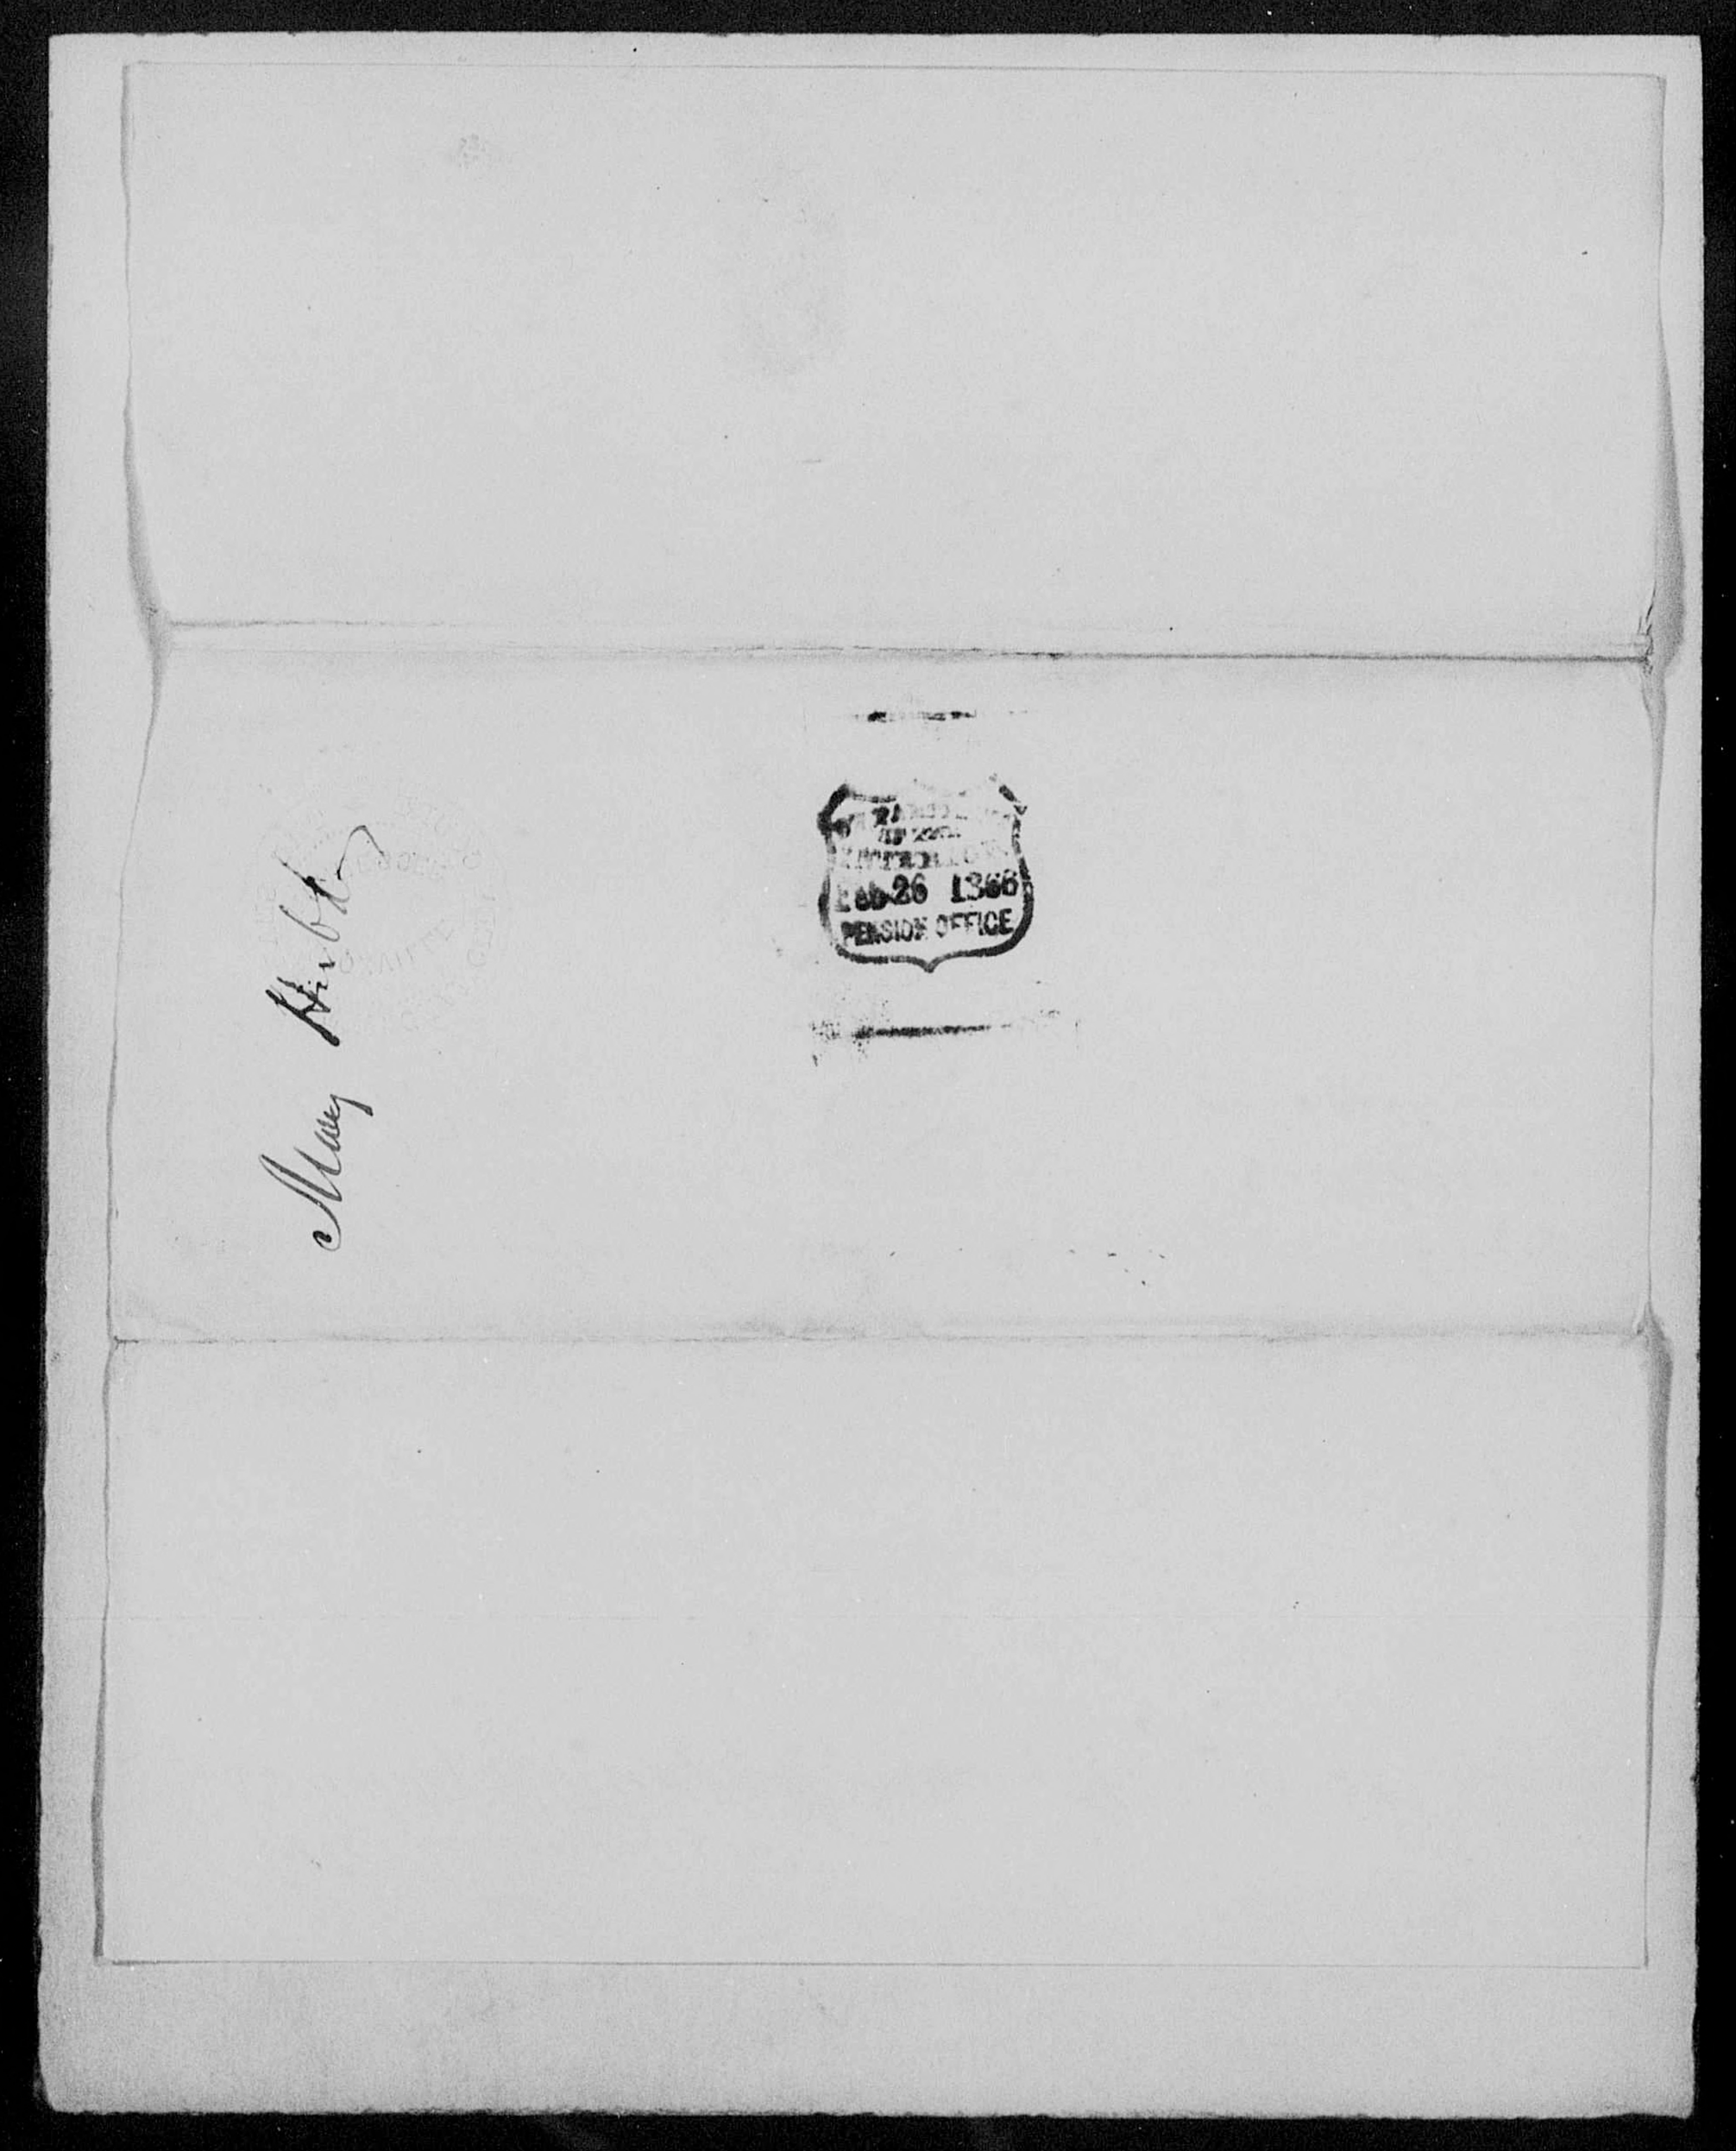Mary Hubb (Hubbs)


stamp
[illegible text]
Feb 26 1868
PENSION OFFICE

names: Mary Hubbs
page: 66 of 86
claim: widow's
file: W. 1035, John Hubbs, S.C.